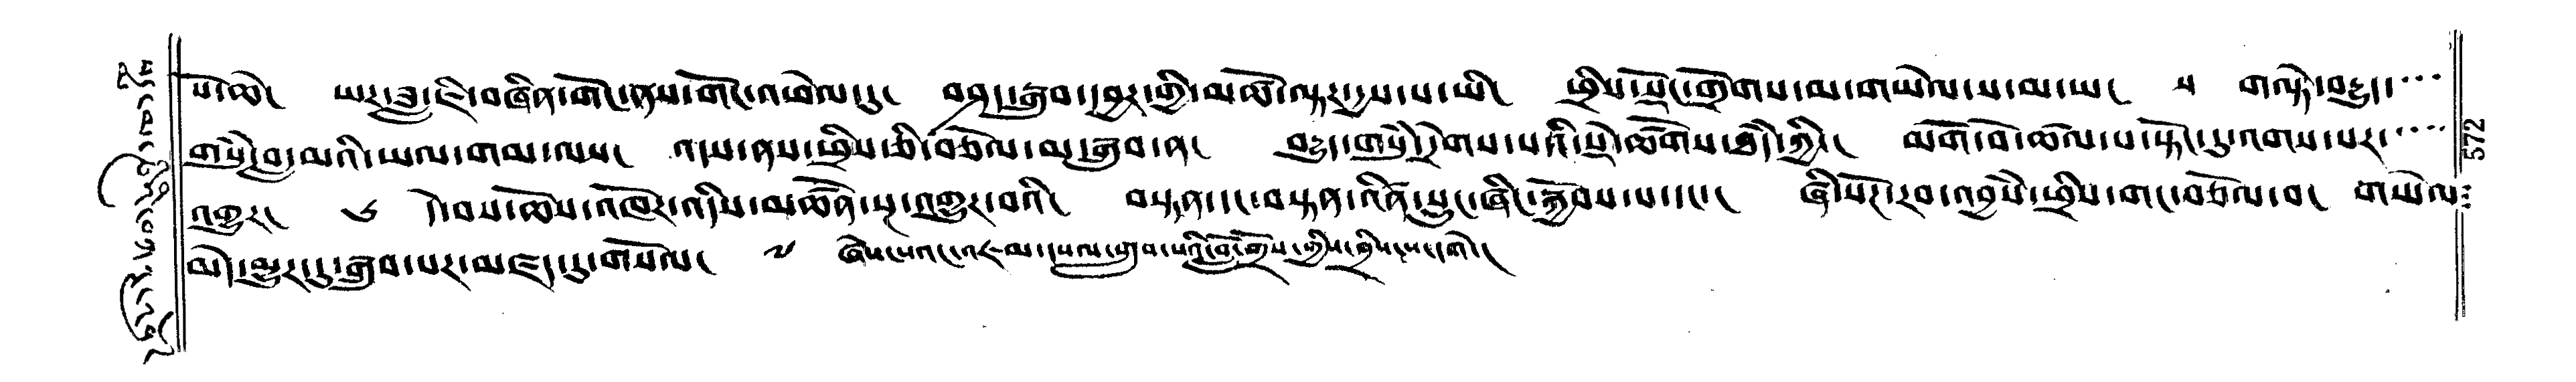པོ་ཆེ། །ཡར་ཟླ་ཇི་བཞིན་གོང་ནས་གོང་འཕེལ་དུ། །བཤད་སྒྲུབ་དབྱར་གྱི་མཚོ་ལྟར་རྒྱས་པ་ཡི། །ཕྲིན་ལས་སྡོང་གྲོགས་མ་གཡེལ་ས་མ་ཡ། གལ་བརྒྱུད་
གསུམ་བླ་མའི་གཡར་དམ་ལས། །འདས་ནས་ཕྲིན་ལས་ཅི་བཅོལ་མ་སྒྲུབ་ན། །བརྒྱུད་གསུམ་དྲེགས་པའི་སྡེ་ཚོགས་ཐམས་ཅད་ཀྱི། །མགོ་བོ་ཚལ་པ་སྟོང་དུ་འགས་པར་
འགྱུར། །དེ་བས་ཆོས་འཁོར་འདིས་མཚོན་སྔ་འགྱུར་བའི། །བསྟན་དང་བསྟན་འཛིན་སྲུང་ཞིང་སྐྱོབ་པ་དང་། ཞི་སོགས་རབ་འབྱམས་ཕྲིན་ལས་གང་བཅོལ་བ། གཡོལ་
མེད་མྱུར་དུ་སྒྲུབ་པར་མཛད་དུ་གསོལ། །ཞེས་པའང་འཇམ་དཔལ་གྲུབ་པའི་བློ་གྲོས་ཀྱིས་བྲིས་པ་དགེ། མངྒ་ལཾ།